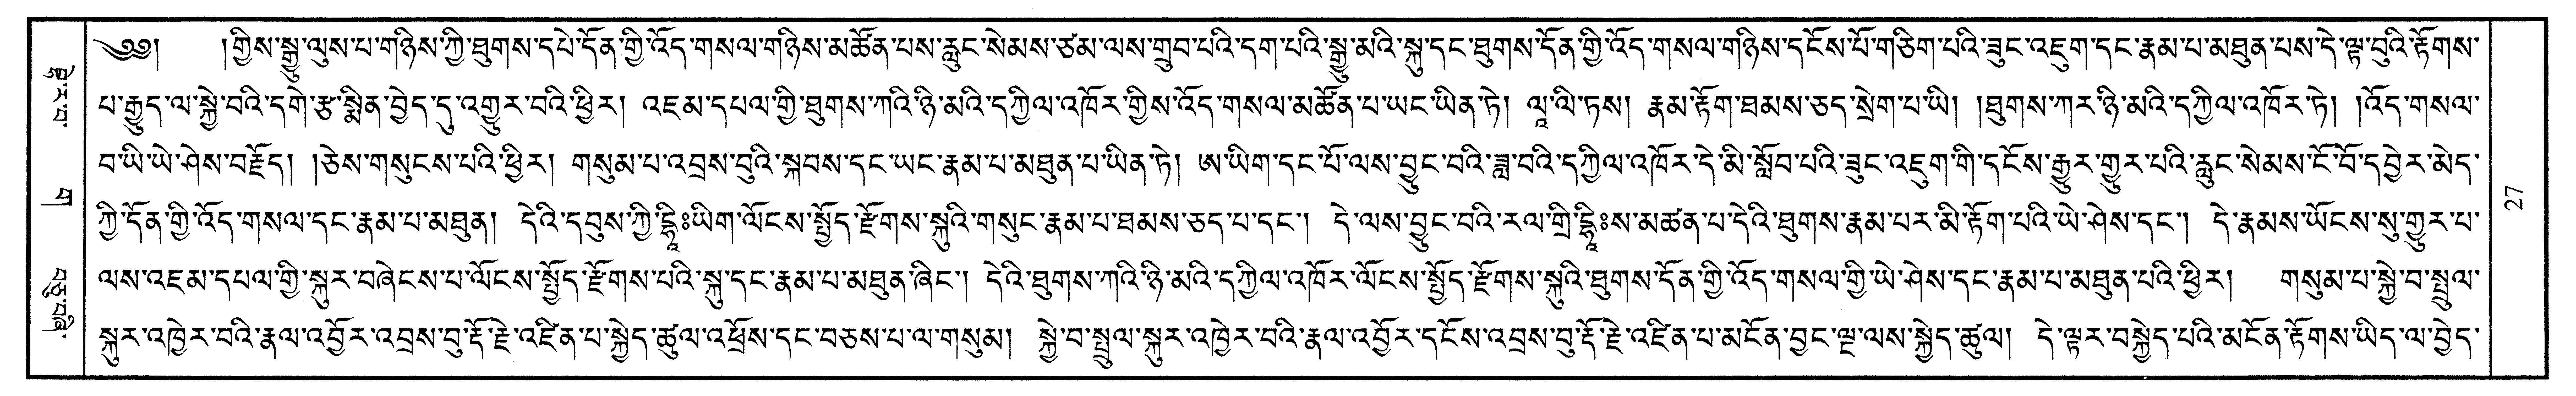༄༅། །གྱིས་སྒྱུ་ལུས་པ་གཉིས་ཀྱི་ཐུགས་དཔེ་དོན་གྱི་འོད་གསལ་གཉིས་མཚོན་པས་རླུང་སེམས་ཙམ་ལས་གྲུབ་པའི་དག་པའི་སྒྱུ་མའི་སྐུ་དང་ཐུགས་དོན་གྱི་འོད་གསལ་གཉིས་དངོས་པོ་གཅིག་པའི་ཟུང་འཇུག་དང་རྣམ་པ་མཐུན་པས་དེ་ལྟ་བུའི་རྟོགས་
པ་རྒྱུད་ལ་སྐྱེ་བའི་དགེ་རྩ་སྨིན་བྱེད་དུ་འགྱུར་བའི་ཕྱིར། འཇམ་དཔལ་གྱི་ཐུགས་ཀའི་ཉི་མའི་དཀྱིལ་འཁོར་གྱིས་འོད་གསལ་མཚོན་པ་ཡང་ཡིན་ཏེ། ལཱ་ལི་ཏས། རྣམ་རྟོག་ཐམས་ཅད་སྲེག་པ་ཡི། །ཐུགས་ཀར་ཉི་མའི་དཀྱིལ་འཁོར་ཏེ། །འོད་གསལ་
བ་ཡི་ཡེ་ཤེས་བརྗོད། །ཅེས་གསུངས་པའི་ཕྱིར། གསུམ་པ་འབྲས་བུའི་སྐབས་དང་ཡང་རྣམ་པ་མཐུན་པ་ཡིན་ཏེ། ཨ་ཡིག་དང་པོ་ལས་བྱུང་བའི་ཟླ་བའི་དཀྱིལ་འཁོར་དེ་མི་སློབ་པའི་ཟུང་འཇུག་གི་དངོས་རྒྱུར་གྱུར་པའི་རླུང་སེམས་ངོ་བོ་དབྱེར་མེད་
ཀྱི་དོན་གྱི་འོད་གསལ་དང་རྣམ་པ་མཐུན། དེའི་དབུས་ཀྱི་དྷཱིཿ ཡིག་ལོངས་སྤྱོད་རྫོགས་སྐུའི་གསུང་རྣམ་པ་ཐམས་ཅད་པ་དང་། དེ་ལས་བྱུང་བའི་རལ་གྲི་དྷཱིཿ ས་མཚན་པ་དེའི་ཐུགས་རྣམ་པར་མི་རྟོག་པའི་ཡེ་ཤེས་དང་། དེ་རྣམས་ཡོངས་སུ་གྱུར་པ་
ལས་འཇམ་དཔལ་གྱི་སྐུར་བཞེངས་པ་ལོངས་སྤྱོད་རྫོགས་པའི་སྐུ་དང་རྣམ་པ་མཐུན་ཞིང་། དེའི་ཐུགས་ཀའི་ཉི་མའི་དཀྱིལ་འཁོར་སྤྱོད་རྫོགས་སྐུའི་ཐུགས་དོན་གྱི་འོད་གསལ་གྱི་ཡེ་ཤེས་དང་རྣམ་པ་མཐུན་པའི་ཕྱིར། གསུམ་པ་སྐྱེ་བ་སྤྲུལ་
སྐུར་འཁྱེར་བའི་རྣལ་འབྱོར་འབྲས་བུ་རྡོ་རྗེ་འཛིན་པ་སྐྱེད་ཚུལ་འཕྲོས་དང་བཅས་པ་ལ་གསུམ། སྐྱེ་བ་སྤྲུལ་སྐུར་འཁྱེར་བའི་རྣལ་འབྱོར་དངོས་འབྲས་བུ་རྡོ་རྗེ་འཛིན་པ་མངོན་བྱང་ལྔ་ལས་སྐྱེད་ཚུལ། དེ་ལྟར་བསྐྱེད་པའི་མངོན་རྟོགས་ཡིད་ལ་བྱེད་